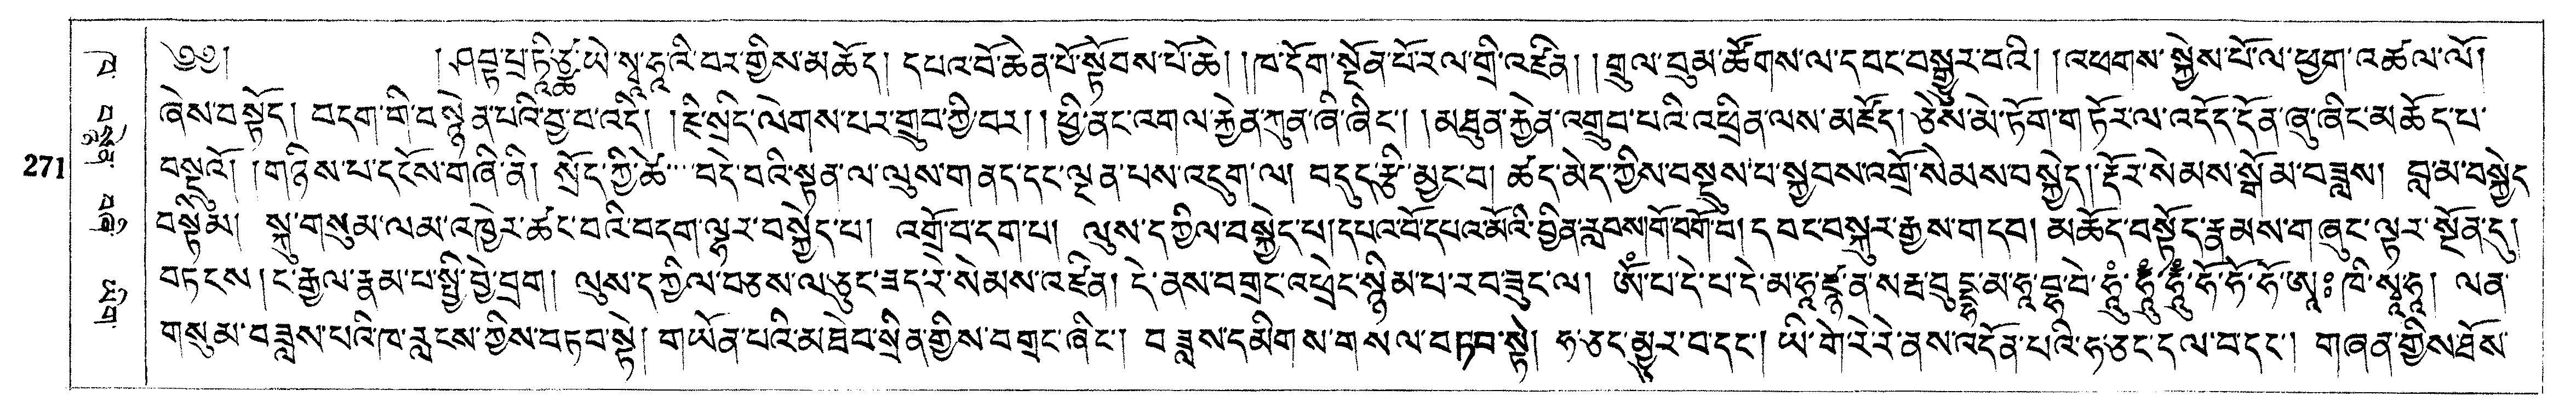༄༅། །ཤཔྟ་པྲ་ཏཱི་ཙྪ་ཡེ་སྭཱ་ཧཱའི་བར་གྱིས་མཆོད། དཔའ་བོ་ཆེན་པོ་སྟོབས་པོ་ཆེ། །ཁ་དོག་སྔོན་པོ་རལ་གྲི་འཛིན། །གྲུལ་བུམ་ཚོགས་ལ་དབང་བསྒྱུར་བའི། །འཕགས་སྐྱེས་བོ་ལ་ཕྱག་འཚལ་ལོ། །
ཞེས་བསྟོད། བདག་གི་བསྙེན་པའི་བྱ་བ་འདི། །ཇི་སྲིད་ལེགས་པར་གྲུབ་ཀྱི་བར། །ཕྱི་ནང་འགལ་རྐྱེན་ཀུན་ཞི་ཞིང་། །མཐུན་རྐྱེན་འགྲུབ་པའི་འཕྲིན་ལས་མཛོད། ཅེས་མེ་ཏོག་གཏོར་ལ་འདོད་དོན་ཞུ་ཞིང་མཆོད་པ་
བསྡུའོ། །གཉིས་པ་དངོས་གཞི་ནི། སྲོད་ཀྱི་ཚེ་བདེ་བའི་སྟན་ལ་ལུས་གནད་དང་ལྡན་པས་འདུག་ལ། བདུད་རྩི་མྱང་བ། ཚད་མེད་ཀྱིས་བསྡུས་པ་སྐྱབས་འགྲོ་སེམས་བསྐྱེད། རྡོར་སེམས་སྒོམ་བཟླས། བླ་མ་བསྐྱེད་
བསྟིམ། སྐུ་གསུམ་ལམ་འཁྱེར་ཚང་བའི་བདག་ལྷར་བསྐྱེད་པ། འགྲོ་བ་དག་པ། ལུས་དཀྱིལ་བསྐྱེད་བ། དཔའ་བོ་དཔའ་མོའི་བྱིན་རླབས་གོ་བགོ་བ། དབང་བསྐུར་རྒྱས་གང་བ། མཆོད་བསྟོད་རྣམས་གཞུང་ལྟར་སྔོན་དུ་
བཏང་སྟེ། ང་རྒྱལ། རྣམ་པ་སྤྱི་བྱེ་བྲག །ལུས་དཀྱིལ་བཅས་ལ་ཅུང་ཟད་རེ་སེམས་འཛིན། དེ་ནས་བགྲང་འཕྲེང་སྙིམ་པར་བཟུང་ལ། ཨོཾ་བ་དེ་པ་དེ་མ་ཧཱ་ཛྙཱ་ནཾ་སརྦ་བུདྡྷ་མ་ཧཱ་བྷ་བེ་ཧཱུཾ་ཧཱུཾ་ཧཱུཾ་ཧོ་ཧོ་ཧོ་ཨཱཿ ཁཾ་སྭཱ་ཧཱ། ལན་
གསུམ་བཟླས་པའི་ཁ་རླངས་ཀྱིས་བཏབ་སྟེ། གཡོན་པའི་མཐེབ་སྲིན་གྱིས་བགྲང་ཞིང་། བཟླས་དམིགས་གསལ་བཏབ་སྟེ། ཧ་ཅང་མྱུར་བ་དང་། ཡི་གེ་རེ་རེ་ནས་འདོན་པའི་ཧ་ཅང་ངལ་བ་དང་། གཞན་གྱིས་ཐོས་